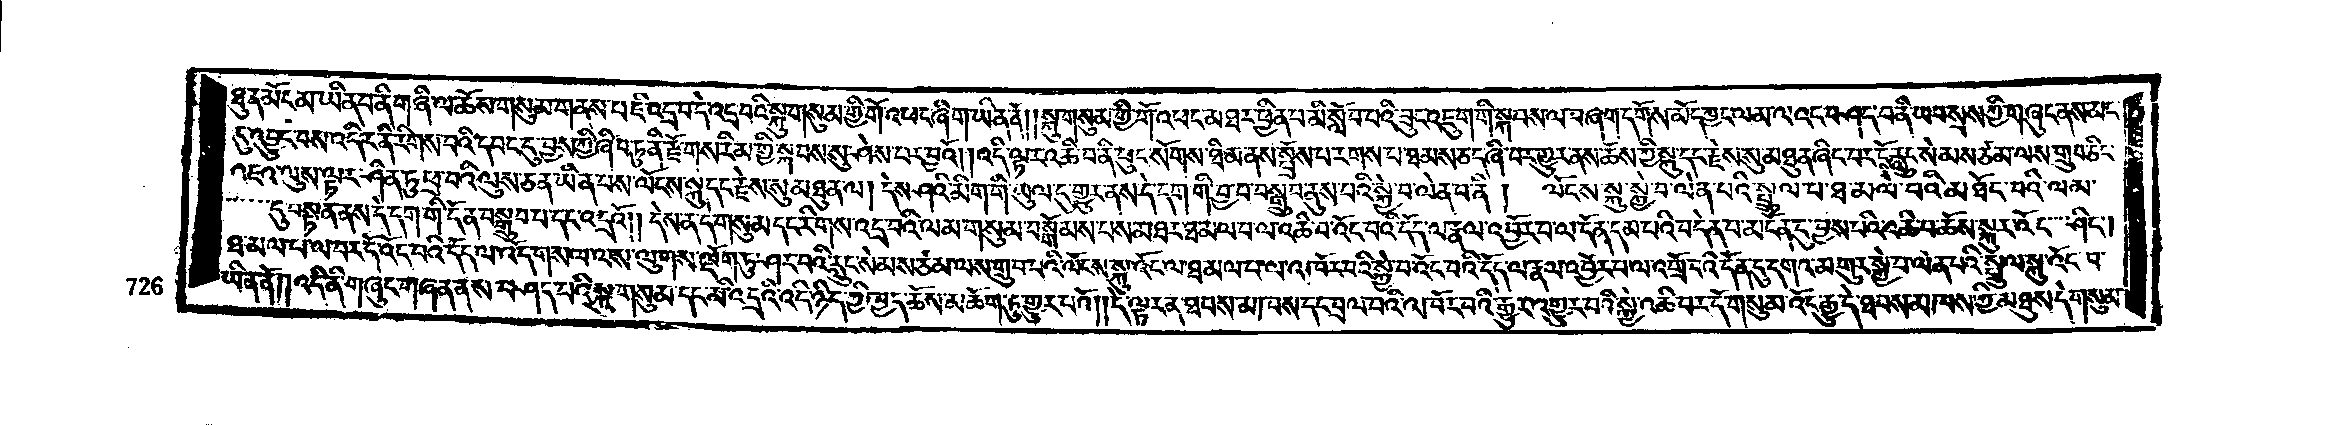ཐུན་མོང་མ་ཡིན་པ་ནི་གཞི་ལ་ཆོས་གསུམ་གནས་པ་ཇི་འདྲ་བ་དེ་འདྲ་བའི་སྐུ་གསུམ་གྱི་གོ་འཕང་ཞིག་ཡིན་ནོ། །སྐུ་གསུམ་གྱི་གོ་འཕང་མཐར་ཕྱིན་པ་མི་སློབ་པའི་ཟུང་འཇུག་གི་སྐབས་ལ་བཞག་དགོས་མོད་ཀྱང་ལམ་ལའང་བཤད་པ་ནི་ཡབ་སྲས་ཀྱི་གཞུང་ནས་མང་
དུ་འབྱུང་བས་འདིར་ནི་རགས་པའི་དབང་དུ་བྱས་ཀྱི་ཞིབ་ཏུ་ནི་རྫོགས་རིམ་གྱི་སྐབས་སུ་ཤེས་པར་བྱའོ། །འདི་ལྟར་འཆི་བ་ནི་ཕུང་སོགས་ཐིམ་ནས་སྤྲོས་པ་རགས་པ་ཐམས་ཅད་ཞི་བར་གྱུར་ནས་ཆོས་ཀྱི་སྐུ་དང་རྗེས་སུ་མཐུན་ཞིང་བར་དོ་ནི་རླུང་སེམས་ཙམ་ལས་གྲུབ་ཅིང་
འཇའ་ལུས་ལྟར་ཤིན་ཏུ་ཕྲ་བའི་ལུས་ཅན་ཡིན་པས་ལོངས་སྐུ་དང་རྗེས་སུ་མཐུན་ལ། དེས་ཤའི་མིག་གི་ཡུལ་དུ་གྱུར་ནས་དེ་དག་གི་བྱ་བ་བསྒྲུབ་ནུས་པའི་སྐྱེ་བ་ལེན་པ་ནི། ལོངས་སྐུ་སྐྱེ་བ་ལེན་པའི་སྤྲུལ་པ་ཐ་མལ་པའི་མཐོང་བའི་ལམ་
དུ་བསྟན་ནས་དེ་དག་གི་དོན་བསྒྲུབ་པ་དང་འདྲའོ། །དེས་ན་དེ་གསུམ་དང་རིགས་འདྲ་བའི་ལམ་གསུམ་བསྒོམས་པས་མཐར་ཐ་མལ་བ་ལ་འཆི་བ་འོང་བའི་དོད་ལ་རྣལ་འབྱོར་པ་ལ་དོན་དམ་པའི་བདེན་པ་མངོན་དུ་བྱས་པའི་འཆི་བ་ཆོས་སྐུར་འོང་ཤིང་།
ཐ་མལ་པ་ལ་བར་དོ་འོང་བའི་དོད་ལ་འོད་གསལ་ལས་ལུགས་ལྡོག་ཏུ་ཤར་བའི་རླུང་སེམས་ཙམ་ལས་གྲུབ་པའི་ལོངས་སྐུ་འོང་ལ་ཐ་མལ་པ་ལ་འཁོར་བའི་སྐྱེ་བ་འོང་བའི་དོད་ལ་རྣལ་འབྱོར་པ་ལ་འགྲོ་བའི་དོན་དུ་དགའ་མགུར་སྐྱེ་བ་ལེན་པའི་སྤྲུལ་སྐུ་འོང་བ་
ཡིན་ནོ། །འདི་ནི་གཞུང་གཞན་ནས་བཤད་པའི་སྐུ་གསུམ་དང་མི་འདྲའི་འདི་ཉིད་ཀྱི་ཁྱད་ཆོས་མཆོག་ཏུ་གྱུར་པའོ། །དེ་ལྟར་ན་ཐབས་མཁས་དང་བྲལ་བའི་འཁོར་བའི་རྒྱུར་འགྱུར་བའི་སྐྱེ་འཆི་བར་དོ་གསུམ་འོང་རྒྱུ་དེ་ཐབས་མཁས་ཀྱི་མཐུས་དེ་གསུམ་